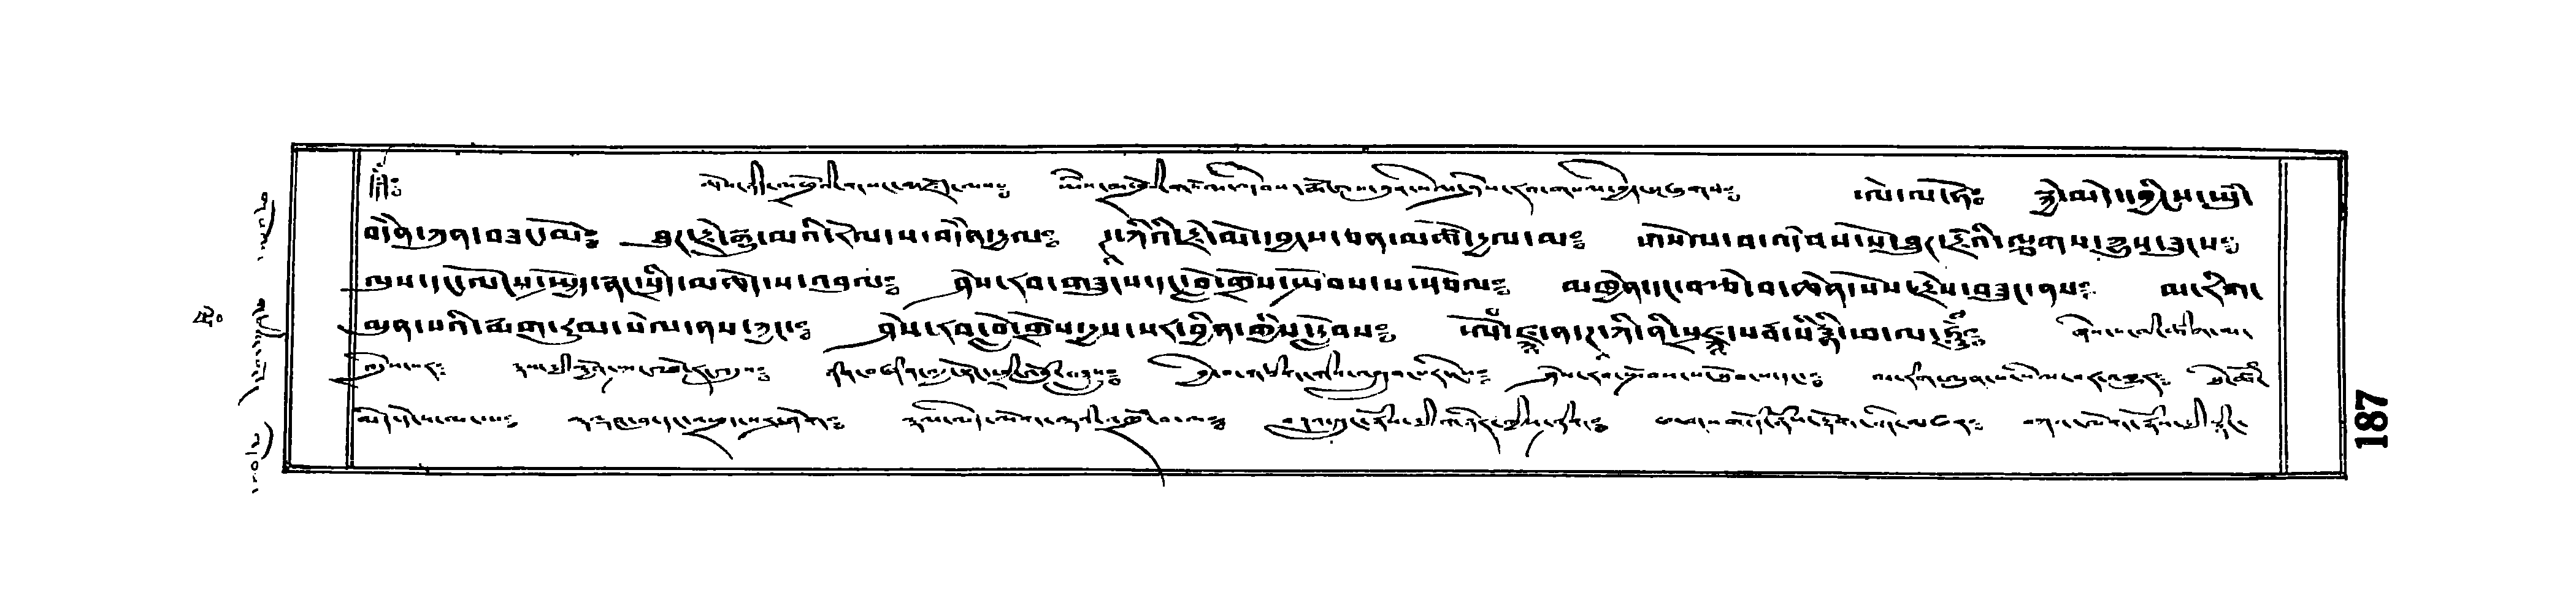ཆོས་ཉིད་མཁའ་འགྲོའི་གསང་མཛོད་ལས༔ ཡེ་ཤེས་མཁའ་འགྲོའི་གསོལ་འདེབས་རྨོངས་པ་ཀུན་སེལ་ཤེས་རབ་གསལ་བྱེད་བཞུགས༔ ཨེ་མ་ཧོ༔ སྐྱེ་མེད་དབྱིངས་ཡུམ་
བདེ་ཆེན་ཀུན་བཟང་མོ༔ ཐུགས་རྗེ་སྒྱུ་མའི་རོལ་བ་བདེ་ཆེན་རྒྱལ༔ ཌཱ་ཀིའི་རྗེ་མོ་དབྱངས་ཅན་མཚོ་རྒྱལ་མ༔ གསོལ་བ་འདེབས་སོ་ཐུགས་རྗེའི་ལྕགས་ཀྱུས་ཟུངས༔ 
ལུས་དང་ལོངས་སྤྱོད་སྣང་སྲིད་མཆོད་པ་འབུལ༔ ཤེས་རབ་གཟུངས་དང་བློ་གྲོས་སྤོབས་པ་སྩོལ༔ མཁྱེན་དང་བརྩེ་བ་ཆེན་པོས་རྗེས་བཟུང་ནས༔ མ་རིག་
མུན་པའི་སྨག་རུམ་སེལ་ནས་ཀྱང༔ ཤེས་རབ་བློ་གྲོས་རྒྱས་པར་བྱིན་གྱིས་རློབས༔ ཨོཾ་ཛྙཱ་ན་ཌཱ་ཀི་ནི་པྲཛྙཱ་སརྦ་སིདྡྷི་ཕ་ལ་ཧཱུྃ༔ ཞེས་པ་མི་ཚིག་མ་
འདྲེས་པར༔ ཟས་ཀྱྀ་སྐྱོན་སྤངས་ཐོ་རངས་དུས༔ ཉིན་བཞིན་བརྒྱ་སྟོང་ཁྲི་འབུམ་བཟླས༔ བྱེ་བ་གཅིག་གིས་འགྲུབ་པར་ངེས༔ ཤེས་རབ་སྤོབས་པ་འཐོབ་པ་དང༔ མ་རིག་མུན་པ་སེལ་བར་འགྱུར༔ ཐེ་ཚོམ་
མེད་དོ་ས་མ་ཡ༔ སྐལ་ལྡན་བུ་དང་འཕྲད་པར་ཤོག༔ སྐལ་མེད་ལོག་ལྟའི་འགྲོ་བ་ལ༔ བཀའ་སྲུང་རྣམས་ཀྱིས་གཉེར་གྱིས་ཤིག༔ ཁ་གསག་དམ་ཉམས་རྟོག་གེ་མཁན༔ བཀའ་ལོག་རྣམས་ཀྱི་སྙིང་